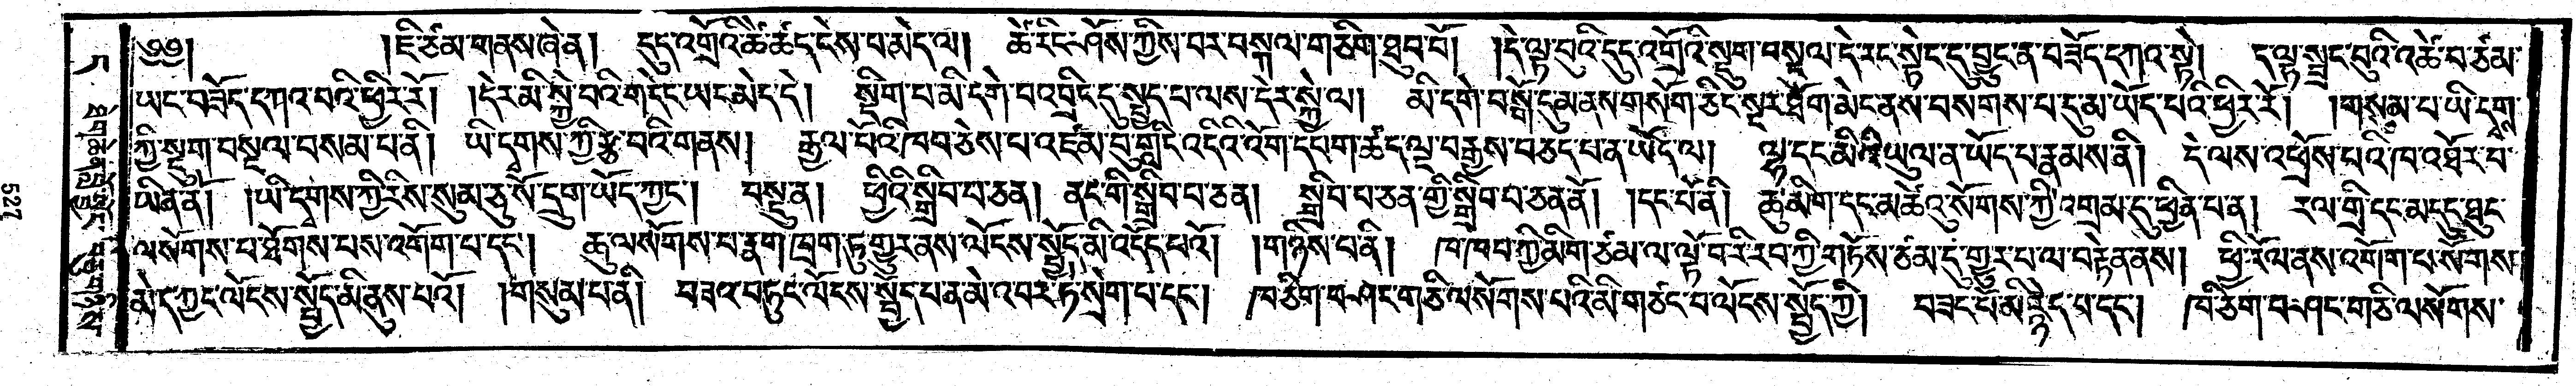༄༅། །ཇི་ཙམ་གནས་ཞེ་ན། དུད་འགྲོའི་ཚེ་ཚད་ངེས་པ་མེད་ལ། ཚེ་རིང་ཤོས་ཀྱིས་བར་བསྐལ་གཅིག་ཐུབ་བོ། །དེ་ལྟ་བུའི་དུད་འགྲོའི་སྡུག་བསྔལ་དེ་རང་སྟེང་དུ་བྱུང་ན་བཟོད་དཀའ་སྟེ། ད་ལྟ་སྦྲང་བུའི་འཚེ་བ་ཙམ་
ཡང་བཟོད་དཀའ་བའི་ཕྱིར་རོ། །དེར་མི་སྐྱེ་བའི་གདེང་ཡང་མེད་དེ། སྡིག་པ་མི་དགེ་བ་འབྲིང་དུ་སྤྱད་པ་ལས་དེར་སྐྱེ་ལ། མི་དགེ་བསྒོ་དུ་མ་ནས་གསོག་ཅིང་སྔར་ཐོག་མེད་ནས་བསགས་པ་དུ་མ་ཡོད་པའི་ཕྱིར་རོ། །གསུམ་པ་ཡི་དྭགས་
ཀྱི་སྡུག་བསྔལ་བསམ་པ་ནི། ཡི་དྭགས་ཀྱི་རྩ་བའི་གནས། རྒྱལ་པོའི་ཁབ་ཅེས་པ་འཛམ་བུ་གླིང་འདིའི་འོག་དཔག་ཚད་ལྔ་བརྒྱས་བཅད་པ་ན་ཡོད་ལ། ལྷ་དང་མིའི་ཡུལ་ན་ཡོད་པ་རྣམས་ནི། དེ་ལས་འཕྲོས་པའི་ཁ་འཐོར་པ་
ཡིན་ནོ། །ཡི་དྭགས་ཀྱི་རིས་སུམ་ཅུ་སོ་དྲུག་ཡོད་ཀྱང་། བསྡུ་ན། ཕྱིའི་སྒྲིབ་པ་ཅན། ནང་གི་སྒྲིབ་བ་ཅན། སྒྲིབ་པ་ཅན་གྱི་སྒྲིབ་བ་ཅན་ནོ། །དང་པོ་ནི། ཆུ་མིག་དང་མཚེའུ་སོགས་ཀྱི་འགྲམ་དུ་ཕྱིན་པ་ན། རལ་གྲི་དང་མདུང་ཐུང་
ལ་སོགས་པ་ཐོགས་པས་འགོག་པ་དང་། ཆུ་ལ་སོགས་པ་རང་ཁྲག་ཏུ་གྱུར་ནས་ལོངས་སྤྱོད་མི་འདོད་པའོ། །གཉིས་པ་ནི། ཁ་ཁབ་ཀྱི་མིག་ཙམ་ལ་ལྟོ་བ་རི་རབ་ཀྱི་གཏོས་ཙམ་དུ་གྱུར་པ་ལ་བརྟེན་ནས། ཕྱི་རོལ་ནས་འགོག་པ་སོགས་
མེད་ཀྱང་ལོངས་སྤྱོད་མི་ནུས་པའོ། །གསུམ་པ་ནི། བཟའ་བཏུང་ལོངས་སྤྱོད་པ་ན་མེ་འབར་ཏེ་སྲེག་པ་དང་། ཁ་ཅིག་བཤད་གཅི་ལ་སོགས་པའི་མི་གཙང་བ་ལོངས་སྤྱོད་ཀྱི། བཟང་པོ་མི་རྙེད་པ་དང་། ཁ་ཅིག་བཤད་གཅི་ལ་སོགས་